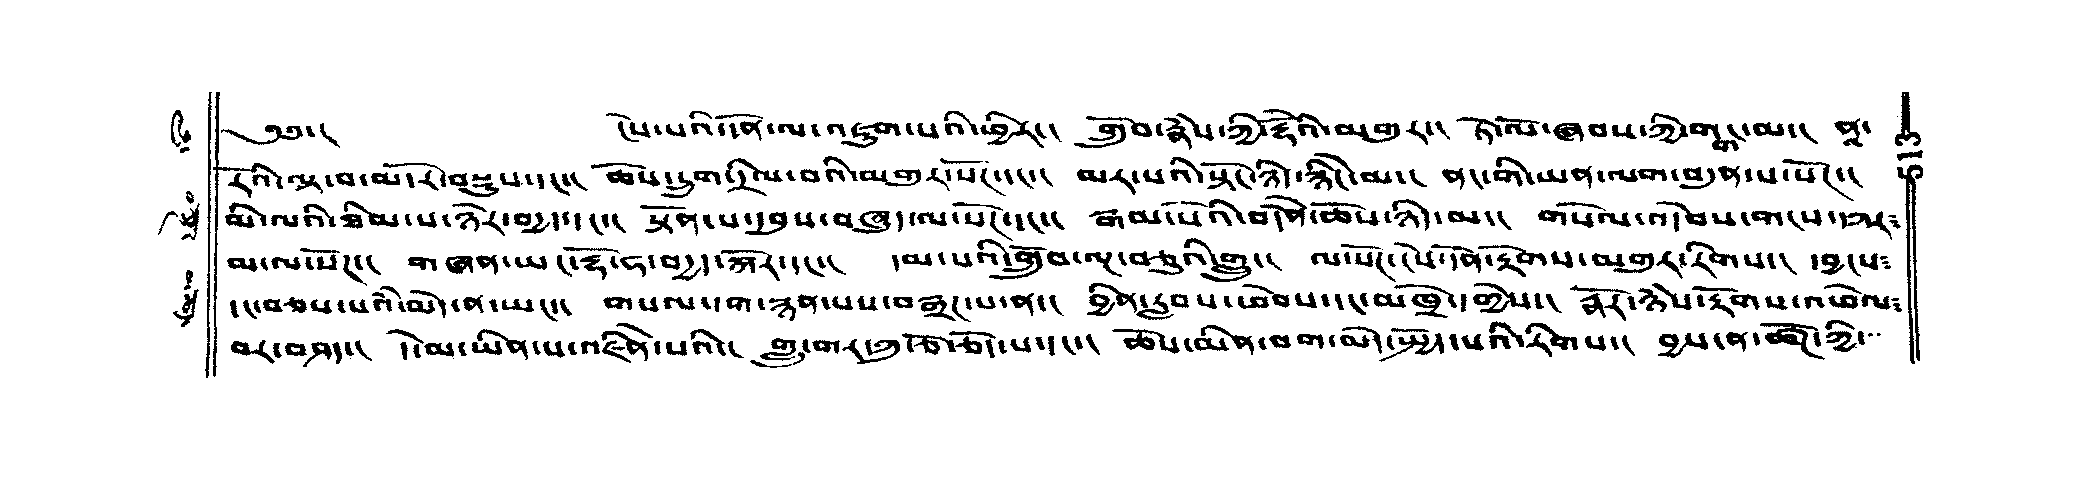ངེས་པའི་དོན་ལ་འཇུག་པའི་ཕྱིར། །གྲུབ་ཐོབ་རྣམས་ཀྱི་རྡོ་རྗེའི་མགུར། །ཏེ་ལོ་ཞབས་ཀྱི་གངྒ་མ། །ནཱ་
རོའི་ལྟ་བ་མདོར་བསྡུས་དང་། །ཆོས་དྲུག་དྲིལ་བའི་མགུར་དྲུག་དང་། །མར་པའི་སྟོང་ཉིད་སྙིང་རྗེ་མ། །ནང་གི་ཡན་ལག་བདུན་པ་སོགས། །
མི་ལའི་ཐིམ་པ་ཉེར་བརྒྱད་དང་། །སྟོན་པ་དབུས་བཞུད་ལ་སོགས་དང་། །སྒམ་པོའི་བདེ་ཆེན་ཆོས་ཉིད་མ། །གསོལ་འདེབས་གངས་དཀར་
མ་ལ་སོགས། གཞན་ཡང་རྡོ་ཧ་བརྒྱད་སྐོར་དང་། །དམ་པའི་གྲུབ་ཐོབ་ལྔ་བཅུའི་གླུ་།ལ་སོགས་ངེས་དོན་རྟོགས་མགུར་རིགས། །དབྱངས་
དང་བཅས་པའམ་མེ་ན་ཡང་། །གསལ་དག་སྙན་པས་བསྒྲགས་པ་ན། །བྱིན་རླབས་ཕེབས་དང་མཁའ་འགྲོ་དགྱེས། །རྣལ་འབྱོར་ཉམས་རྟོགས་འཕེལ་
བར་བཤད། །དེ་མ་ཡིན་པ་འཇིག་རྟེན་པའི། །གླུ་གར་ཀུ་ཅོ་རྩོད་པ་དང་། །ཆོས་མིན་བག་མེད་སྤྱོད་པའི་རིགས། །བྱས་ན་ཚོགས་ཀྱི་